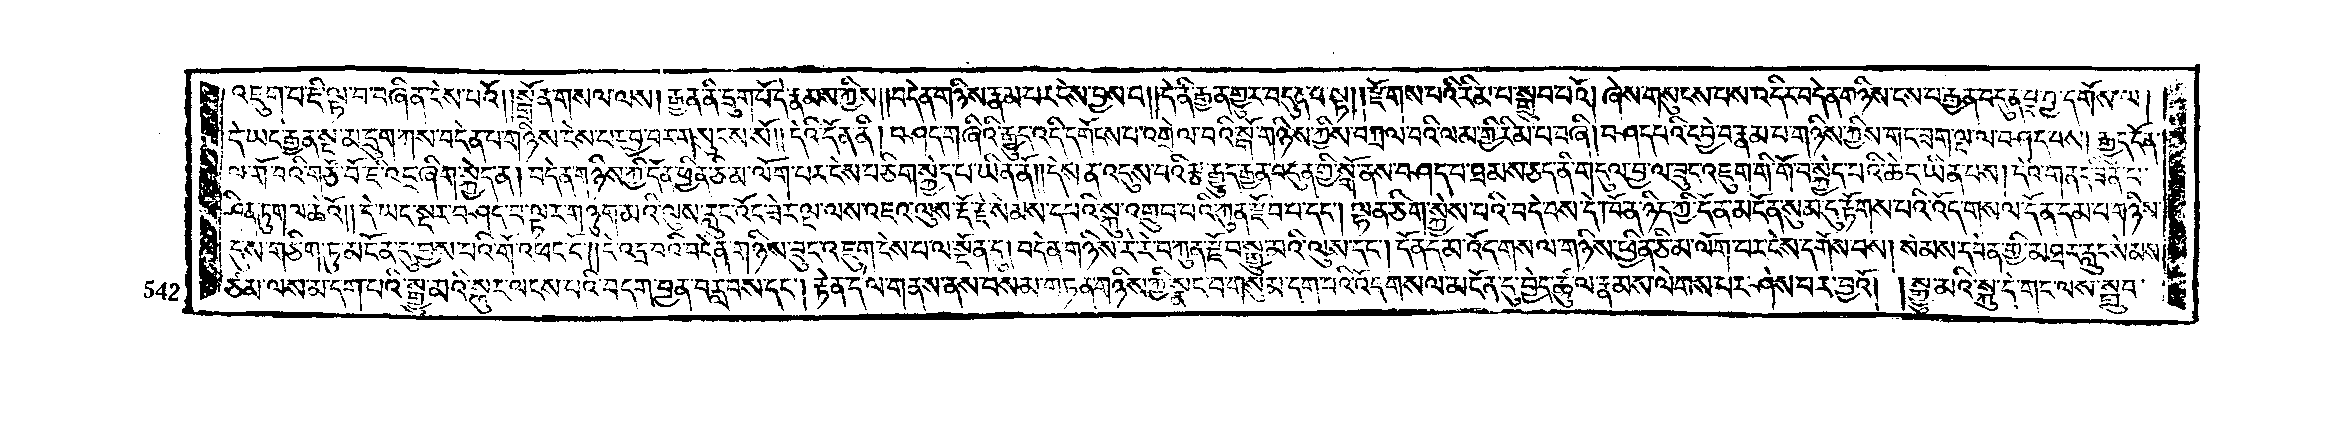འཇུག་པ་ཇི་ལྟ་བ་བཞིན་ངེས་པའོ། །སྒྲོན་གསལ་ལས། རྒྱན་ནི་དྲུག་པོ་དེ་རྣམས་ཀྱིས། །བདེན་གཉིས་རྣམ་པར་ངེས་བྱས་པ། །དེ་ནི་རྒྱན་གྱུར་བདུན་པ་སྟེ། །རྫོགས་པའི་རིམ་པ་སྒྲུབ་པའོ། ཞེས་གསུངས་པས་འདིར་བདེན་གཉིས་ངས་པ་རྒྱན་བདུན་པར་བྱ་དགོས་ལ།
དེ་ཡང་རྒྱན་སྔ་མ་དྲུག་ཀས་བདེན་པ་གཉིས་ངེས་པར་བྱ་བར་གསུངས་སོ། །དེའི་དོན་ནི། བཤད་གཞིའི་རྒྱུད་འདི་དགོངས་པ་འགྲེལ་བའི་སྒོ་གཉིས་ཀྱིས་བཀྲལ་བའི་ལམ་གྱི་རིམ་པ་བཞི། བཤད་པའི་དབྱེ་བ་རྣམ་པ་གཉིས་ཀྱིས་གང་ཟག་ལྔ་ལ་བཤད་པས། རྒྱུད་དོན་ལ་གོ་བའི་གཙོ་བོ་ཇི་འདྲ་ཞིག་སྐྱེད་ན། བདེན་གཉིས་ཀྱི་དོན་ཕྱིན་ཅི་མ་ལོག་པར་ངེས་པ་ཅིག་སྐྱེད་པ་ཡིན་ནོ། །དེས་ན་འདུས་པའི་རྩ་རྒྱུད་རྒྱན་བདུན་གྱི་སྒོ་ནས་བཤད་པ་ཐམས་ཅད་ནི་གདུལ་བྱ་ལ་ཟུང་འཇུག་གི་གོ་བ་སྐྱེད་པའི་ཆེད་ཡིན་པས། དེའི་གནད་ཟིན་པ་
ཤིན་ཏུ་གལ་ཆེའོ། །དེ་ཡང་སྔར་བཤད་པ་ལྟར་གཉུག་མའི་ལུས་རླུང་འོད་ཟེར་ལྔ་ལས་འཇའ་ལུས་རྡོ་རྗེ་སེམས་དཔའི་སྐུ་འགྲུབ་པའི་ཀུན་རྫོབ་པ་དང་། ལྷན་ཅིག་སྐྱེས་པའི་བདེ་བས་དེ་ཁོ་ན་ཉིད་ཀྱི་དོན་མངོན་སུམ་དུ་རྟོགས་པའི་འོད་གསལ་དོན་དམ་པ་གཉིས་
དུས་གཅིག་ཏུ་མངོན་དུ་བྱས་པའི་གོ་འཕང་ངོ། །དེ་འདྲ་བའི་བདེན་གཉིས་ཟུང་འཇུག་ངེས་པ་ལ་སྔོན་དུ། བདེན་གཉིས་རེ་རེ་བ་ཀུན་རྫོབ་སྒྱུ་མའི་ལུས་དང་། དོན་དམ་འོད་གསལ་གཉིས་ཕྱིན་ཅི་མ་ལོག་པར་ངེས་དགོས་པས། སེམས་དབེན་གྱི་མཐར་རླུང་སེམས་
ཙམ་ལས་མ་དག་པའི་སྒྱུ་མའི་སྐུར་ལངས་པའི་བདག་བྱིན་བརླབས་དང་། རྟེན་དེ་ལ་གནས་ནས་བསམ་གཏན་གཉིས་ཀྱི་སྣང་བ་གསུམ་དག་པའི་འོད་གསལ་མངོན་དུ་བྱེད་ཚུལ་རྣམས་ལེགས་པར་ཤེས་པར་བྱའོ། །སྒྱུ་མའི་སྐུ་དེ་གང་ལས་སྒྲུབ་